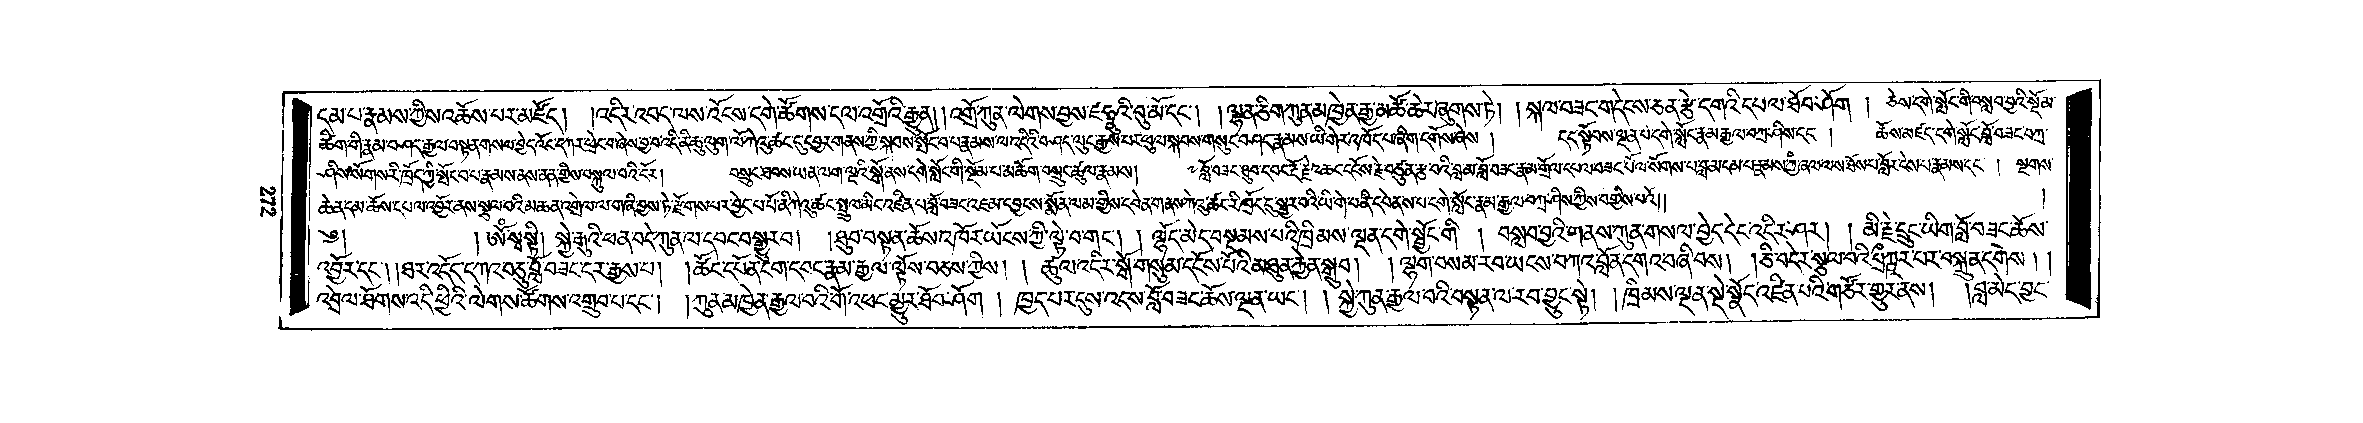དམ་པ་རྣམས་ཀྱིས་འཆོས་པར་མཛོད། །འདིར་འབད་ལས་འོངས་དགེ་ཚོགས་དལ་འགྲོའི་རྒྱུན། །འགྲོ་ཀུན་ལེགས་བྱས་ཛཧྣུའི་བུ་མོ་དང་། །ལྷན་ཅིག་ཀུན་མཁྱེན་རྒྱ་མཚོ་ཆེར་ཞུགས་ཏེ། །སྐལ་བཟང་གདེངས་ཅན་རྩེ་དགའི་དཔལ་ཐོབ་ཤོག །ཅེས་དགེ་སློང་གི་བསླབ་བྱའི་སྡོམ་
ཚིག་གི་རྣམ་བཤད་རྒྱལ་བསྟན་གསལ་བྱེད་འོང་དཀར་ཕྲེང་བ་ཞེས་བྱ་བ་འདི་ནི་ཆུ་ལུག་ལོ་ཀེའུ་ཚང་དུ་དབྱར་གནས་ཀྱི་སྐབས་སྤོང་བ་པ་རྣམས་ལ་འདིའི་བཤད་ལུང་རྒྱས་པར་ཕུལ་སྐབས་གསུང་བཤད་རྣམས་ཡི་གེར་འཁོད་པ་ཞིག་དགོས་ཞེས། དད་སྟོབས་ལྡན་པ་དགེ་སློང་རྣམ་རྒྱལ་བཀྲ་ཤིས་དང་། ཆོས་མཛད་དགེ་སློང་བློ་བཟང་བཀྲ་
ཤིས་སོགས་རི་ཁྲོད་ཀྱི་སྤོང་བ་པ་རྣམས་ནས་ནན་གྱིས་བསྐུལ་བའི་ངོར། བསྲུང་ཐབས་ཡན་ལག་ལྔའི་སྒོ་ནས་དགེ་སློང་གི་སྡོམ་པ་མཆོག་བསྲུང་ཚུལ་རྣམས། བློ་བཟང་ཐུབ་དབང་རྡོ་རྗེ་འཆང་དངོས་རྗེ་བཙུན་རྩ་བའི་བླ་མ་བློ་བཟང་རྣམ་གྲོལ་དཔལ་བཟང་པོ་ལ་སོགས་པ་བླ་མ་དམ་པ་རྣམས་ཀྱི་ཞལ་ལས་ཐོས་པ་བློར་ངེས་པ་རྣམས་དང་། སྔགས་
ཆེན་དམ་ཆོས་དཔལ་འབྱོར་ནས་སྩལ་བའི་མཆན་འགྲེལ་ལ་གཞི་བྱས་ཏེ་རྫོགས་པར་བྱེད་པ་པོ་ནི་ཀེའུ་ཚང་སྤྲུལ་མིང་འཛིན་པ་བློ་བཟང་འཇམ་དབྱངས་སྨོན་ལམ་གྱིས་དབེན་གནས་ཀེའུ་ཚང་རི་ཁྲོད་དུ་སྦྱར་བའི་ཡི་གེ་པ་ནི་དབེན་ས་པ་དགེ་སློང་རྣམ་རྒྱལ་བཀྲ་ཤིས་ཀྱིས་བགྱིས་པའོ། །
༄༅། །ཨོཾ་སྭ་སྟི། སྐྱེ་རྒུའི་ཕན་བདེ་ཀུན་ལ་དབང་བསྒྱུར་བ། །ཐུབ་བསྟན་ཆོས་འཁོར་ཡོངས་ཀྱི་ལྟེ་བ་གང་། །ལྷོད་མེད་བསྡམས་པའི་ཁྲིམས་ལྡན་དགེ་སྦྱོང་གི། །བསླབ་བྱའི་གནས་ཀུན་གསལ་བྱེད་དེང་འདིར་ཤར། །མི་རྗེ་དྲུང་ཡིག་བློ་བཟང་ཆོས་
འབྱོར་དང་། །ཐར་འདོད་དཀའ་བཅུ་བློ་བཟང་དར་རྒྱས་པ། །ཚོང་དཔོན་ངག་དབང་རྣམ་རྒྱལ་ལྟོས་བཅས་ཀྱིས། །ཚུལ་འདིར་སྒོ་གསུམ་དངོས་པོའི་མཐུན་རྐྱེན་སྒྲུབ། །ལྷག་བསམ་རབ་ཡངས་བཀའ་བློན་དགའ་བཞི་བས། །ཅི་བདེར་སྩལ་བའི་པྲྀཀྵར་པར་བསྐྲུན་དགེས། །
འབྲེལ་ཐོགས་འདི་ཕྱིའི་ལེགས་ཚོགས་འགྲུབ་པ་དང་། །ཀུན་མཁྱེན་རྒྱལ་བའི་གོ་འཕང་མྱུར་ཐོབ་ཤོག །ཁྱད་པར་དུས་འདས་བློ་བཟང་ཆོས་ལྡན་ཡང་། །སྐྱེ་ཀུན་རྒྱལ་བའི་བསྟན་ལ་རབ་བྱུང་སྟེ། །ཁྲིམས་ལྡན་སྡེ་སྣོད་འཛིན་པའི་གཙོར་གྱུར་ནས། །བླ་མེད་བྱང་